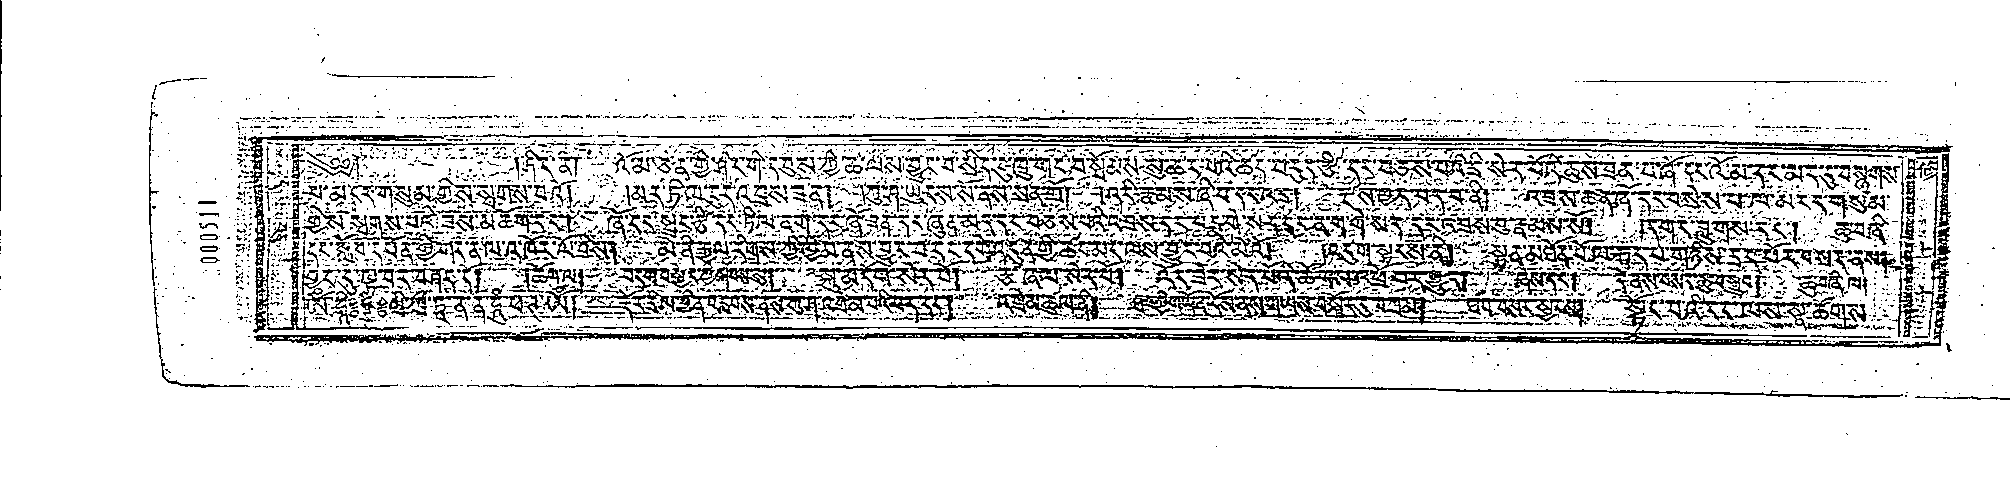༄༅། །ཤིང་ནི། འོ་མ་ཅན་གྱི་ཤིང་གི་དབུས་ཀྱི་ཆ་ལས་བྱུང་བ་སྲིད་དུ་ཁྲུ་གང་བ་སྦོམས་སུ་ཆད་པའི་ཚད་བདུད་རྩི་དང་བཅས་པའི་དྲི་སེར་པོའི་ཆུས་བྲན་པ་ཞོ་དང་འོ་མ་དང་མང་དུ་བསྙགས་
པ་མངར་གསུམ་གྱིས་སྦགས་པའོ། །མར་ཏིལ་ངུར་འབྲས་ཟན། །ཀུ་ཤ་ཡུངས་སོ་ནས་སྲན་གྲོ། །འདི་རྣམས་ཞི་བ་དང་འདྲ། རྫས་ཁྱད་པར་བ་ནི། འབྲས་ཆན་ཞོ་དང་བསྲེས་པ་ལ་མངར་གསུམ་
གྱིས་སྦགས་པའི་ཟས་མཆོག་དང་། ཞོ་དང་སྦྲང་རྩི་དང་ཏིལ་ནག་དང་ཞོ་ཟན་དང་ཞུན་མར་དང་བཅས་པའི་འབྲས་དང་པདམ་གེ་སར་དང་ན་ག་གེ་སར་དང་འབྲས་བུ་རྣམས་སོ། །དགང་བླུགས་དང་། ཆུ་བཞི་
དང་སློབ་དཔོན་གྱི་གདན་ལ་འཁོར་ལོ་བྲིས། མེ་ནི་རྒྱལ་རིགས་ཀྱི་ཁྱིམ་ནས་བྱུང་བ་དང་དགེ་འདུན་གྱི་ཚང་མང་ལས་བྱུང་བའི་མེའོ། །འདུག་སྟངས་ནི། སྟན་མཐོན་པོ་ལ་རྐང་པ་གཉིས་དྲང་པོར་བསྲད་ནས།
བྱང་དུ་ལྟ་བར་བཤད་དོ། །ཆོ་ག་ལ། བདག་བསྐྱེད་ཀྱི་སྐབས་སུ། སྐུ་མདོག་སེར་པོ། རྩ་ཞལ་སེར་པོ། འོད་ཟེར་སེར་པོའི་ཚོགས་འཕྲོ་བར་གྱུར། ཞེས་དང་། དེ་ནས་བསང་ཆུ་བསྒྲུབ། ཆུ་བཞི་ལ།
ཨོཾ་ཧྲཱིཿ་ཥྚྲཱིཿ་ཝི་ཀྲྀ་ཏཱ་ན་ན་ཧཱུཾ་ཕཊ་ཨོཾ། རྡོར་དྲིལ་བྱིན་བརླབས་ནས་ཀུ་ཤ་འགྲེམ་པའི་བར་དང་། འགྲེམ་ཚུལ་ནི། ཐབ་ཀྱི་གཡོན་ངོས་ནས་གཡས་བསྐོར་དུ་བཀྲམ། ཐབ་བསང་སྦྱངས། སྟོང་པའི་ངང་ལས་སྣ་ཚོགས་